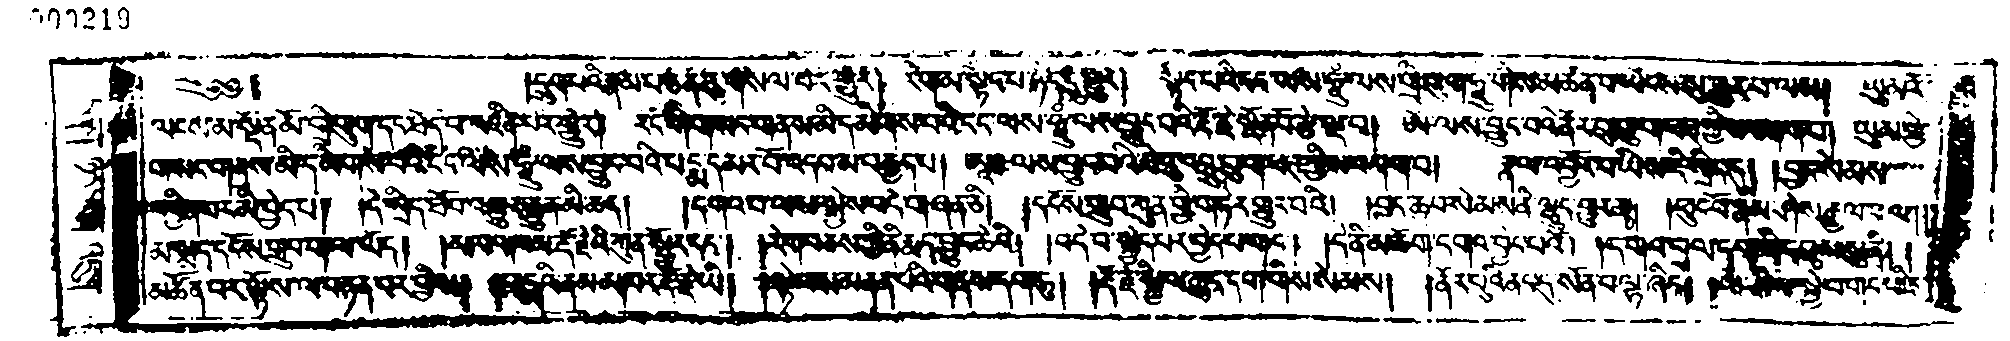༄༅། །དབང་ལ་གསང་བའི་དབང་བསྐུར་བ་ཞེས་བཤད་པ་དེ་ཐོབ། ཐུན་མོང་བ་ངག་གི་དྲི་མ་རྫུན་དུ་སྨྲ་བ་སོགས་སྔར་བསགས་འདག་ཅིང་ཕྱི་མ་སྡོམ་པ་དང་། ཐུན་མོང་
མ་ཡིན་པ་རླུང་ལ་ངག་ཏུ་གསུངས་བའི་དྲི་མ་རླུང་སྔགས་སོ་སོར་སྣང་ཞིང་ཞེན་པའི་དྲི་མ་འཁྲུད་པས་ན་གསུང་རྡོ་རྗེ་སྦྱོང་། ཀུན་རྫོབ་སྒྱུ་མའི་སྐུའི་རང་བཞིན་ཅན་གྱི་རྡོ་རྗེའི་སྐུ་བདག་བྱིན་གྱིས་བརླབ་པ་བསྒོམ་པ་ལ་
དབང་བར་བྱས། འབྲས་བུ་ལོངས་སྤྱོད་རྫོགས་པའི་སྐུ་འགྲུབ་པའི་ནུས་པ་ཁྱད་པར་ཅན་བཞག་གོ །ཞེས་གོ་བར་བྱའོ། །གསུམ་པ་ནི། སློར་དཔོན་ལ། སྔར་གྱི་གསང་དབང་གི་རིག་མ་དེ་ཉིད་དམ་གཞན་ཡང་གཟུགས་ལ་
སོགས་པའི་མཚན་ཉིད་དང་ལྡན་པའི་རིག་མ་གང་ཡང་རུང་བ་ཡང་དག་པར་རིག་པ་ཙམ་གྱི་ཡེ་ཤེས་མངོན་དུ་བྱ་བའི་ཕྱིར། མཎྜལ་དང་ལྷན་དུ་ཕུལ་བར་མོས་ནས་མཎྜལ་ཕུལ། བྱང་ཆུབ་རྡོ་རྗེ་སངས་རྒྱས་ལ། །མཆོད་ཆེན་ཇི་ལྟར་སྩལ་བ་ལྟར། །བདག་
ཀྱང་བསྐྱབ་བའི་དོན་གྱི་ཕྱིར། །ནམ་མཁའི་རྡོ་རྗེ་དེང་བདག་སྩོལ། །ཞེས་ལན་གསུམ་གྱིས་ཤེར་དབང་གི་དོན་དུ་གསོལ་བ་གདབ་ཅིང་། མིག་དར་བཅིངས། བླ་མས། སློབ་མ་རང་གི་ལག་པར་ཕྱག་རྒྱ་མ་དེའི་ལག་པ་གཏད་པར་མོས་ནས།
གཟུངས་མ་ཡིད་འོང་འདི་དེ་ནི། །བསྟེན་བྱར་སངས་རྒྱས་རྣམས་ཀྱིས་བརྟགས། །རྡོ་རྗེ་རྗེས་ཆགས་སྦྱོར་བ་ཡིས། །བདེ་བ་དམ་པ་མྱང་བར་གྱིས། །ཐབས་གཞན་གྱིས་ནི་སངས་རྒྱས་མིན། །འགྲོ་གསུམ་